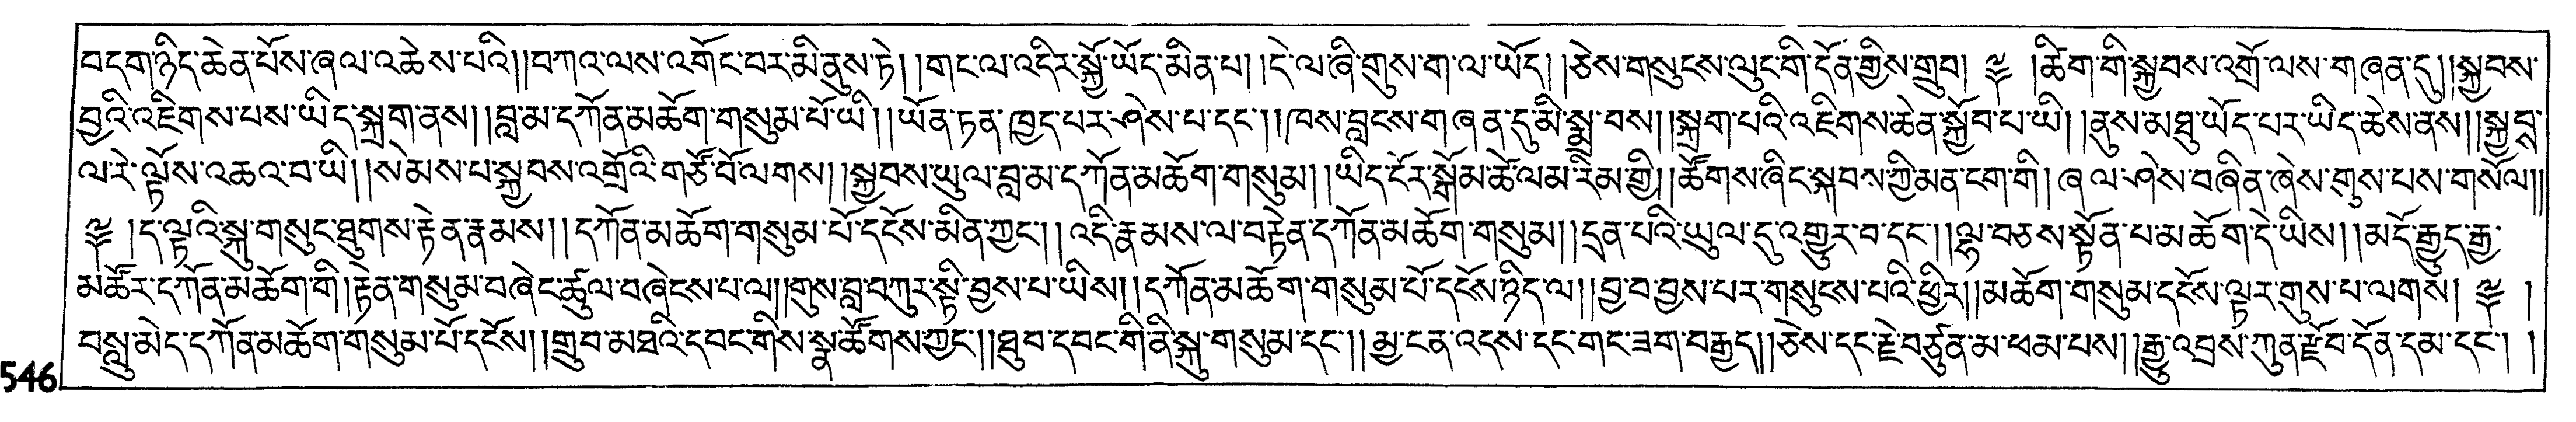བདག་ཉིད་ཆེན་པོས་ཞལ་འཆེས་པའི། །བཀའ་ལས་འགོང་བར་མི་ནུས་ཏེ། །གང་ལ་འདིར་སྐྱོ་ཡོད་མིན་པ། །དེ་ལ་ཞི་གུས་ག་ལ་ཡོད། །ཅེས་གསུངས་ལུང་གི་དོན་གྱིས་གྲུབ། ༈ །ཚིག་གི་སྐྱབས་འགྲོ་ལས་གཞན་དུ། །སྐྱབས་
བྱའི་འཇིགས་པས་ཡིད་སྐྲག་ནས། །བླ་མ་དཀོན་མཆོག་གསུམ་པོ་ཡི། །ཡོན་ཏན་ཁྱད་པར་ཤེས་པ་དང་། །ཁས་བླངས་གཞན་དུ་མི་སྨྲ་བས། །སྐྲག་པའི་འཇིགས་ཆེན་སྐྱོབ་པ་ཡི། །ནུས་མཐུ་ཡོད་པར་ཡིད་ཆེས་ནས། །སྐྱབས་
ལ་རེ་ལྟོས་འཆའ་བ་ཡི། །སེམས་པ་སྐྱབས་འགྲོའི་གཙོ་བོ་ལགས། །སྐྱབས་ཡུལ་བླ་མ་དཀོན་མཆོག་གསུམ། །ཡིད་ངོར་སྒོམ་ཚེ་ལམ་རིམ་གྱི། །ཚོགས་ཞིང་སྐབས་ཀྱི་མན་ངག་གི །ཞལ་ཤེས་བཞིན་ཞེས་གུས་པས་གསོལ། །
༈ །ད་ལྟའི་སྐུ་གསུང་ཐུགས་རྟེན་རྣམས། །དཀོན་མཆོག་གསུམ་པོ་དངོས་མིན་ཀྱང་། །འདི་རྣམས་ལ་བརྟེན་དཀོན་མཆོག་གསུམ། །དྲན་པའི་ཡུལ་དུ་འགྱུར་བ་དང་། །ལྷ་བཅས་སྟོན་པ་མཆོག་དེ་ཡིས། །མདོ་རྒྱུད་རྒྱ་
མཚོར་དཀོན་མཆོག་གི །རྟེན་གསུམ་བཞེང་ཚུལ་བཞེངས་པ་ལ། །གུས་བླ་བཀུར་སྟི་བྱས་པ་ཡིས། །དཀོན་མཆོག་གསུམ་པོ་དངོས་ཉིད་ལ། །བྱ་བ་བྱས་པར་གསུངས་པའི་ཕྱིར། །མཆོག་གསུམ་དངོས་ལྟར་གུས་པ་ལགས། ༈ །
བསླུ་མེད་དཀོན་མཆོག་གསུམ་པོ་དངོས། །གྲུབ་མཐའི་དབང་གིས་སྣ་ཚོགས་ཀྱང་། །ཐུབ་དབང་གི་ནི་སྐུ་གསུམ་དང་། །མྱ་ངན་འདས་དང་གང་ཟག་བརྒྱད། །ཅེས་དང་རྗེ་བཙུན་མ་ཕམ་པས། །རྒྱུ་འབྲས་ཀུན་རྫོབ་དོན་དམ་དང་།